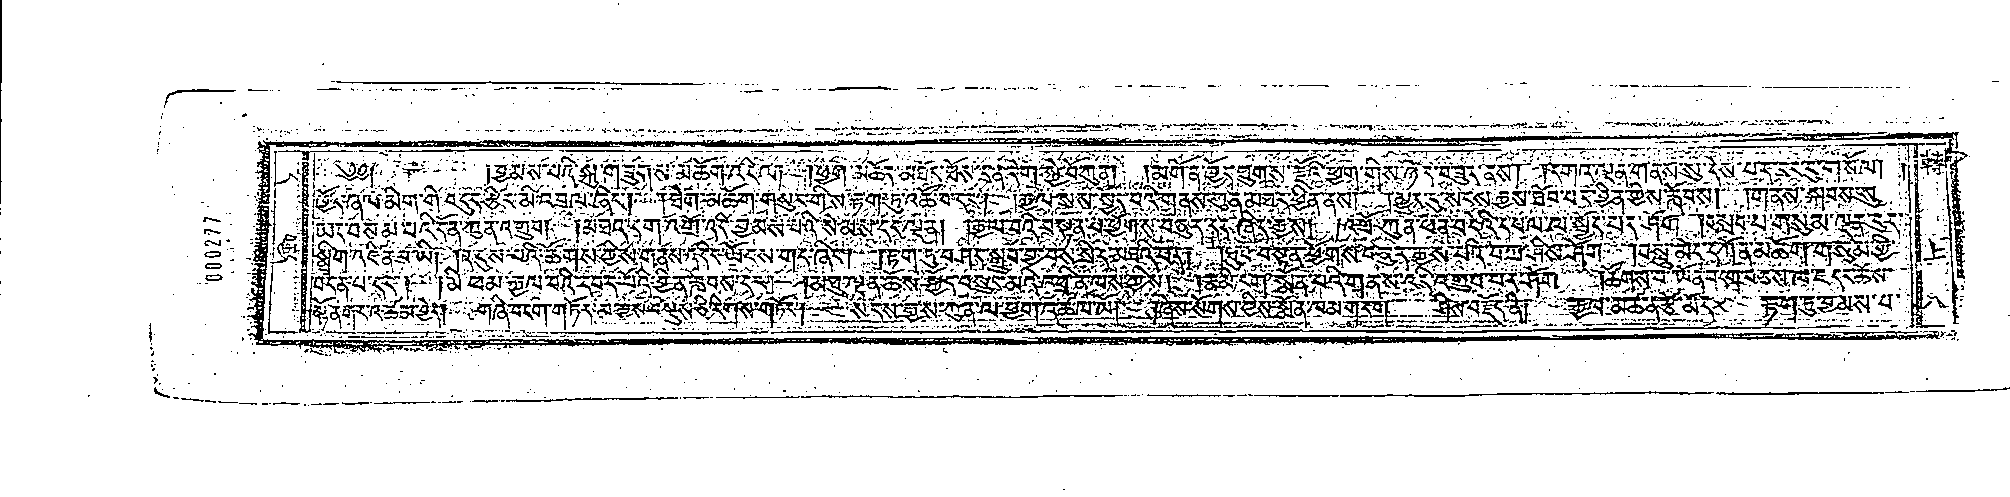༄༅། །བྱམས་པའི་སྐུ་གཟུགས་མཆོག་འདི་ལ། །ཕྱག་མཆོད་མཐོང་ཐོས་དྲན་རེག་སྐྱེ་བོ་ཀུན། །མགོན་ཁྱོད་ཐུགས་རྗེའི་ཕྱག་གིས་ཉེར་བཟུང་ནས། །དགའ་ལྡན་གནས་སུ་དེས་པར་དྲང་དུ་གསོལ།
ཁྱོད་ཞལ་མིག་གི་བདུད་རྩིར་མི་འབྲལ་ཞིང་། །ཐེག་མཆོག་གསུང་གིས་རྟག་ཏུ་འཚོ་བ་དང་། །རྒྱལ་སྲས་སྤྱོད་པའི་གནས་ཀུན་མཐར་ཕྱིན་ནས། །མྱུར་དུ་སངས་རྒྱས་ཐོབ་པར་བྱིན་གྱིས་རློབས། །གནས་སྐབས་སུ་
ཡང་བསམ་པའི་དོན་ཀུན་འགྲུབ། །མཐའ་དག་འགྲོ་འདི་བྱམས་པའི་སེམས་དང་ལྡན། །རྒྱལ་བའི་བསྟན་པ་ཕྱོགས་བཅུད་དར་ཞིང་རྒྱས། །འགྲོ་ཀུན་ཕན་བདེའི་དཔལ་ལ་སྦྱོད་པར་ཤོག །བསླབ་པ་གསུམ་ལྡན་དུར་
སྨྲིག་འཛིན་པ་ཡི། །འདུས་པའི་ཚོགས་ཀྱིས་གནས་འདིར་ཡོངས་གང་ཞིང་། །རྟག་ཏུ་བཤད་སྒྲུབ་བྱ་བས་སྲིད་མཐའི་བར། །ཐུབ་བསྟན་ཕྱོགས་བཅུར་རྒྱས་པའི་བཀྲ་ཤིས་ཤོག །བསླུ་མེད་དཀོན་མཆོག་གསུམ་གྱི་
བདེན་པ་དང་། །མི་ཕམ་རྒྱལ་བའི་དབང་པོའི་བྱིན་རླབས་དང་། །མཐུ་ལྡན་ཆོས་སྐྱོད་བསྲུང་མའི་འཕྲིན་ལས་ཀྱིས། །རྣམ་དག་སྨོན་པའི་གནས་འདི་འགྲུབ་པར་ཤོག །ཚོགས་པ་ཡོན་བདག་བཅས་ལ་ཇ་དང་ཆོས་
སྟོན་གང་འཚམ་བྱེད། གཞི་བདག་གཏོར་མ་རྒྱས་བསྡུས་ཅི་རིགས་གཏོར། སངས་རྒྱས་ཀུན་ལ་ཕྱག་འཚལ་ལོ། །ཞེས་སོགས་ཀྱིས་སྨོན་ལམ་གདབ། ཤིས་བརྗོད་ནི། རྒྱལ་མཚན་རྩེ་མོད་྾་རྟག་ཏུ་བྱམས་པ་